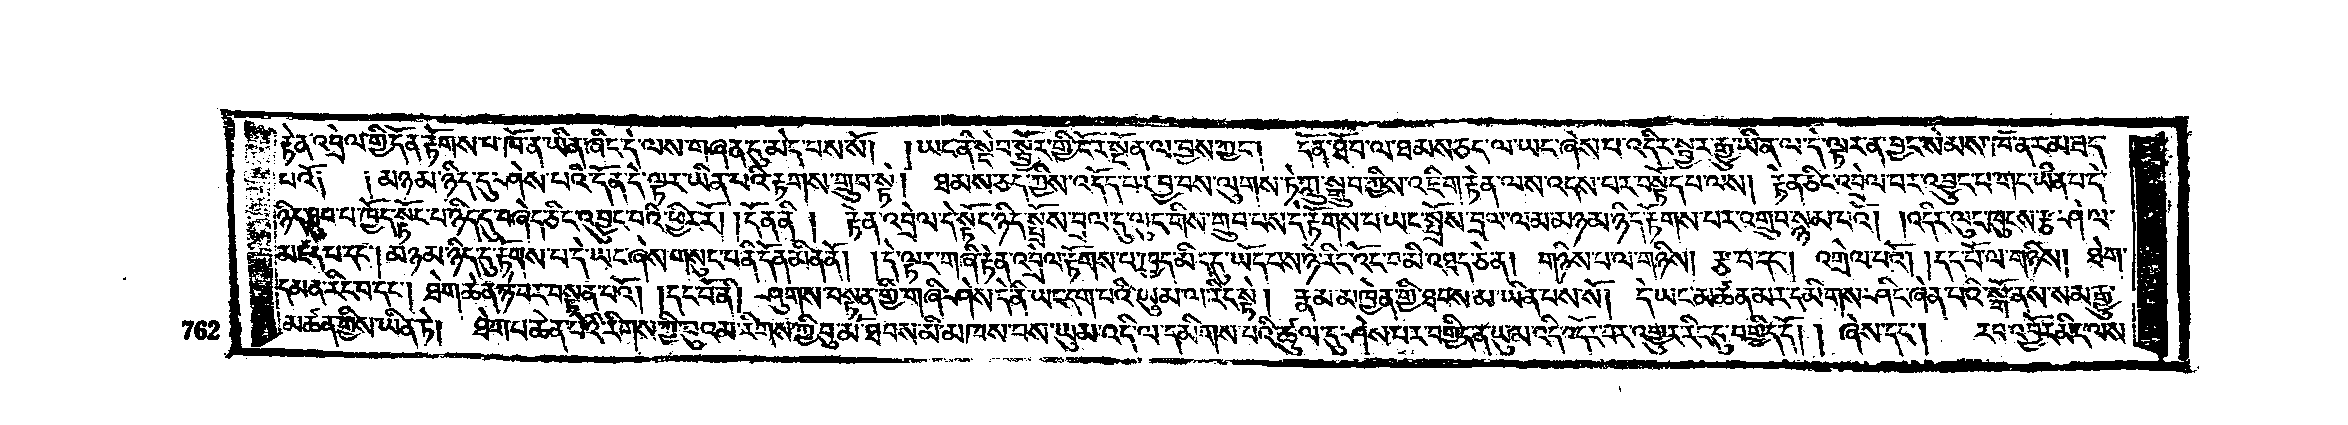རྟེན་འབྲེལ་གྱི་དོན་རྟོགས་པ་ཁོ་ན་ཡིན་ཞིང་དེ་ལས་གཞན་དུ་མེད་པས་སོ། །ཡང་ནི་སྡེབ་སྦྱོར་གྱི་ངོར་སྔོན་ལ་བྱས་ཀྱང་། དོན་ཐོབ་ལ་ཐམས་ཅད་ལ་ཡང་ཞེས་པ་འདིར་སྦྱར་རྒྱུ་ཡིན་ལ་དེ་ལྟར་ན་བྱང་སེམས་ཁོ་ནར་མ་ཟད་
པའོ། །མཉམ་ཉིད་དུ་ཤེས་པའི་དོན་དེ་ལྟར་ཡིན་པའི་རྟགས་གྲུབ་སྟེ། ཐམས་ཅད་ཀྱིས་འདོད་པར་བྱ་བས་ལུགས་ཏེ་ཀླུ་སྒྲུབ་ཀྱིས་འཇིག་རྟེན་ལས་འདས་པར་བསྟོད་པ་ལས། རྟེན་ཅིང་འབྲེལ་པར་འབྱུང་པ་གང་ཡིན་པ་དེ་
ཉིད་ཐུབ་པ་ཁྱོད་སྟོང་པ་ཉིད་དུ་བཞེད་ཅིང་འབྱུང་བའི་ཕྱིར་རོ། །དོན་ནི། རྟེན་འབྲེལ་དེ་སྟོང་ཉིད་སྤྲོས་བྲལ་དུ་ལུང་གིས་གྲུབ་པས་དེ་རྟོགས་པ་ཡང་སྤྲོས་བྲལ་ལམ་མཉམ་ཉིད་རྟོགས་པར་འགྲུབ་སྙམ་པའོ། །འདིར་ལུང་ཁུངས་རྩ་ཤེལ་
མཛད་པ་དང་། མཉམ་ཉིད་དུ་རྟོགས་པ་དེ་ཡང་ཞེས་གསུང་པ་ནི་དོན་མིན་ནོ། །དེ་ལྟར་གཞི་རྟེན་འབྲེལ་རྟོགས་པ་ཁྱད་མེད་དུ་ཡོད་པས་ཉེ་རིང་འོང་བ་མི་འཐད་ཅེ་ན། གཉིས་པ་ལ་གཉིས། རྩ་བ་དང་། འགྲེལ་པའོ། །དང་པོ་ལ་གཉིས། ཐེག་
དམན་རིང་བ་དང་། ཐེག་ཆེན་ཉེ་བར་བསྟན་པའོ། །དང་པོ་ནི། ཤུགས་བསྟན་གྱི་གཞི་ཤེས་དེ་ནི་ཡང་དག་པའི་ཡུམ་ལ་རིང་སྟེ། རྣམ་མཁྱེན་གྱི་ཐབས་མ་ཡིན་པས་སོ། དེ་ཡང་མཚན་མར་དམིགས་ཤིང་ཞེན་པའི་སྒོ་ནས་སམ་རྒྱུ་
མཚན་གྱིས་ཡིན་ཏེ། ཐེག་པ་ཆེན་པོའི་རིགས་ཀྱི་བུའམ་རིགས་ཀྱི་བུ་མོ་ཐབས་མི་མཁས་པས་ཡུམ་འདི་ལ་དམིགས་པའི་ཚུལ་དུ་ཤེས་པར་བགྱིད་ན་ཡུམ་འདི་འདོར་བར་འགྱུར་རིང་དུ་བགྱིད་དོ། །ཞེས་དང་། རབ་འབྱོར་མིང་ལས་